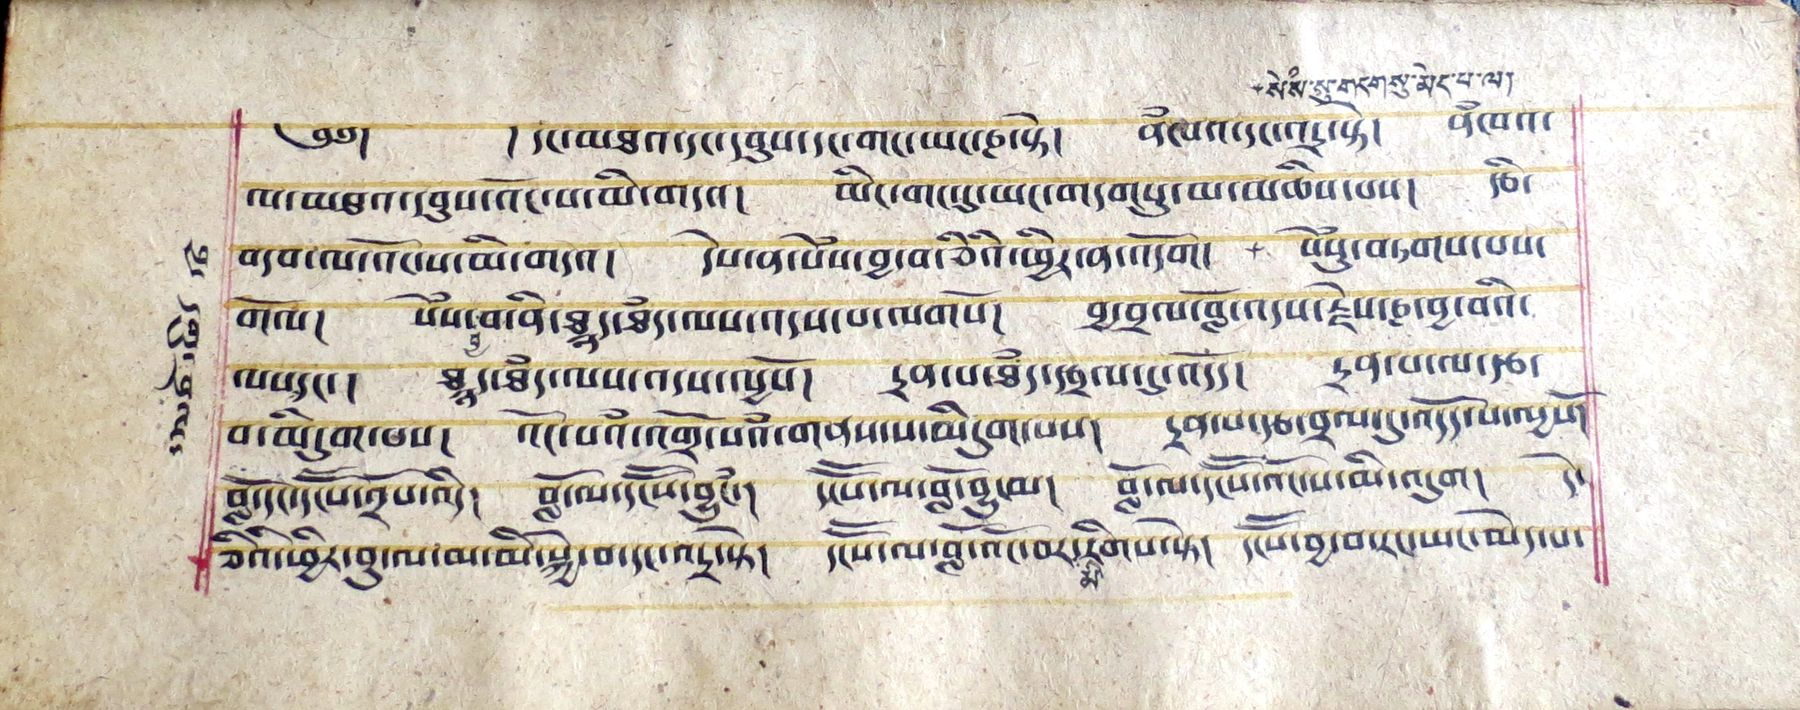དང་མཐའ་དང་དབུས་དང་གང་ཡང་མེད་དེ། ནམ་མཁའ་དང་འདྲ་སྟེ། ནམ་མཁའ་
ལ་མཐའ་དབུས་འོང་ས་མི་གདའ། མིང་གང་དུ་ཡང་གདགས་སུ་མ་མཆིས་པས། རྩིས་
གདབ་ལ་འོང་ས་མི་གདའ། དེས་ན་སེམས་བྱ་བ་ཅིའི་ཕྱིར་ན་འདོགས། སེམས་སུ་གདགས་སུ་མེད་པ་ལ། སེམས་སུ་བཏགས། བཏགས་པས་
གོལ། སེམས་བྱ་བ་ནི། ཐ་སྙད་ཐམས་ཅད་ལས་འདས་པ་ལགས་སོ། །བྱ་བྲལ་བློ་འདས་རྗེས་མེད་བྱ་བའི་
ལས་དང་། ཐ་སྙད་ཐམས་ཅད་ལས་འདས་པ་ལགས་སོ། །དྲན་པ་ཐམས་ཅད་རྩ་བྲལ་དུ་འདོད། དྲན་པ་ལ་རྩ་
བ་མི་འདུག་པས། འོང་སའམ། གནས་སའམ་འགྲོ་ས་མི་འདུག་པས། དྲན་པ་རྩ་བྲལ་དུ་འདོད་པ་ལགས་སོ། །
བློ་དང་དངོས་པོ་གཉིས་པོ་འདི། བློ་ལ་དངོས་པོ་འབྱུང་ངམ། དངོས་པོ་ལ་བློ་འབྱུང་། བློ་ལ་དངོས་པོ་འོང་ས་མི་འདུག ། དེ།
ཅིའི་ཕྱིར་བུ་ལ་མི་སྐྱེ་བ་དང་འདྲ་སྟེ། དངོས་པོ་ལ་བློ་འོང་པར་མི་རིགས་ཏེ། དངོས་པོ་བྱ་བ་རང་ཡང་མེད་པ་